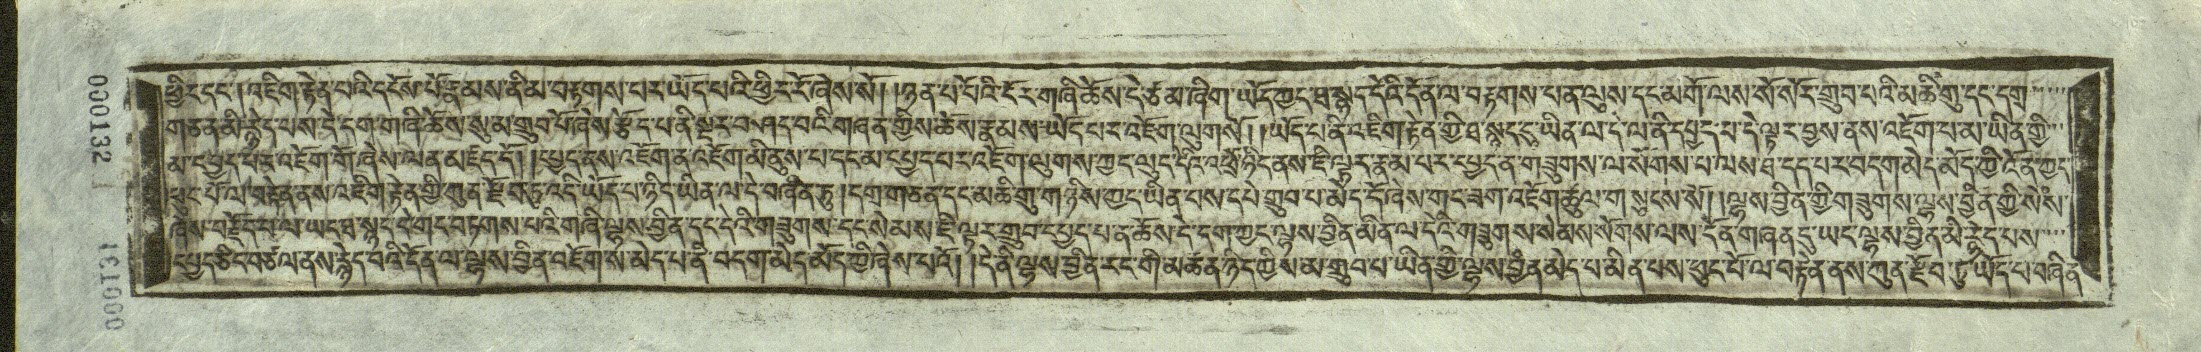ཕྱིར་དང་། འཇིག་རྟེན་པའི་དངོས་པོ་རྣམས་ནི་མ་བརྟགས་པར་ཡོད་པའི་ཕྱིར་རོ་ཞེས་སོ། །ཉན་པ་པོའི་ངོར་གཞི་ཆོས་དེ་ཙམ་ཞིག་ཡོད་ཀྱང་ཐ་སྙད་དེའི་དོན་ལ་བརྟགས་པ་ན་ལུས་དང་མགོ་ལས་སོ་སོར་གྲུབ་པའི་མཆི་གུ་དང་དགྲ་
གཅན་མི་རྙེད་པས་དེ་དག་གཞི་ཆོས་སུ་མ་གྲུབ་བོ་ཞེས་རྩོད་པ་ནི་སྔར་བཤད་པའི་གཞན་གྱིས་ཆོས་རྣམས་ཡོད་པར་འཇོག་ལུགས་སོ། །ཡོད་པ་ནི་འཇིག་རྟེན་གྱི་ཐ་སྙད་དུ་ཡིན་ལ་དེ་ལ་ནི་དཔྱད་པ་དེ་ལྟར་བྱས་ནས་འཇོག་པ་མ་ཡིན་གྱི་
མ་དཔྱད་པར་འཇོག་གོ་ཞེས་ལན་མཛད་དོ། །དཔྱད་ནས་འཇོག་ན་འཇོག་མི་ནུས་པ་དང་མ་དཔྱད་པར་འཇོག་ལུགས་ཀྱང་ལུང་དེའི་འཕྲོ་ཉིད་ནས་ཇི་ལྟར་རྣམ་པར་དཔྱད་ན་གཟུགས་ལ་སོགས་པ་ལས་ཐ་དད་པར་བདག་མེད་མོད་ཀྱི་འོན་ཀྱང་
ཕུང་པོ་ལ་བརྟེན་ནས་འཇིག་རྟེན་གྱི་ཀུན་རྫོབ་ཏུ་འདི་ཡོད་པ་ཉིད་ཡིན་ལ་དེ་བཞིན་ཏུ། དགྲ་གཅན་དང་མཆི་གུ་གཉིས་ཀྱང་ཡིན་པས་དཔེ་གྲུབ་པ་མེད་དོ་ཞེས་གང་ཟག་འཇོག་ཚུལ་གསུངས་སོ། །ལྷས་བྱིན་གྱི་གཟུགས་ལྷས་བྱིན་གྱི་སེམས་
ཞེས་བརྗོད་པ་ལ་ཡང་ཐ་སྙད་དེ་གང་བཏགས་པའི་གཞི་ལྷས་བྱིན་དང་དེའི་གཟུགས་དང་སེམས་ཇི་ལྟར་གྲུབ་དཔྱད་པ་ན་ཆོས་དེ་དག་ཀྱང་ལྷས་བྱིན་མིན་ལ་དེའི་གཟུགས་སེམས་སོགས་ལས་དོན་གཞན་དུ་ཡང་ལྷས་བྱིན་མི་རྙེད་པས་
དཔྱད་ཅིང་བཙལ་ནས་རྙེད་པའི་དོན་ལ་ལྷས་བྱིན་འཇོག་ས་མེད་པ་ནི་བདག་མེད་མོད་ཀྱི་ཞེས་པའོ། །དེ་ནི་ལྷས་བྱིན་རང་གི་མཚན་ཉིད་ཀྱིས་མ་གྲུབ་པ་ཡིན་གྱི་ལྷས་བྱིན་མེད་པ་མིན་པས་ཕུང་པོ་ལ་བརྟེན་ནས་ཀུན་རྫོབ་ཏུ་ཡོད་པ་བཞིན་